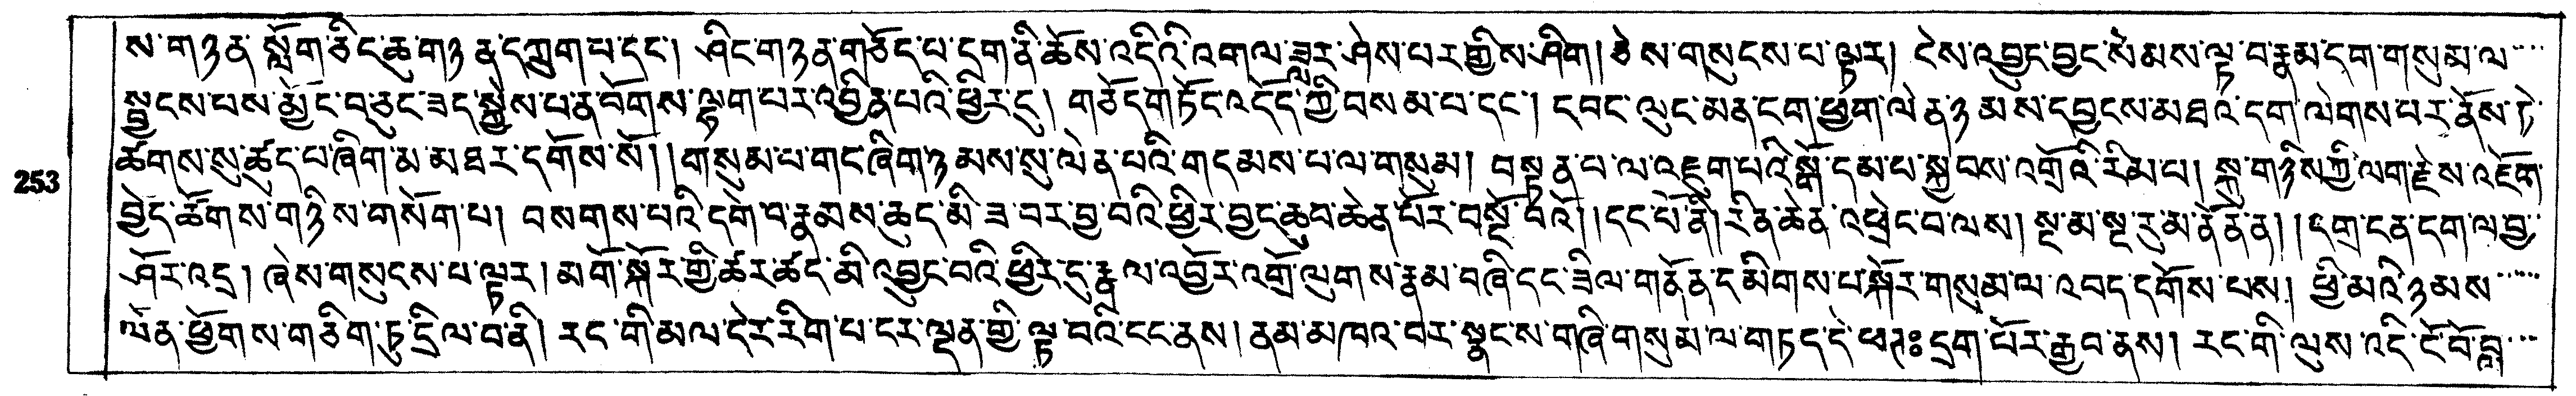ས་གཉན་སློག་ཅིང་ཆུ་གཉན་དཀྲུག་པ་དང་། ཤིང་གཉན་གཅོད་པ་དག་ནི་ཆོས་འདིའི་འགལ་ཟླར་ཤེས་པར་གྱིས་ཤིག །ཅེས་གསུངས་པ་ལྟར། ངེས་འབྱུང་བྱང་སེམས་ལྟ་བ་རྣམ་དག་གསུམ་ལ་
སྦྱངས་པས་མྱོང་བ་ཅུང་ཟད་སྐྱེས་པ་ན་བོགས་ལྷག་པར་འབྱིན་པའི་ཕྱིར་དུ། གཅོད་གཏོང་འདོད་ཀྱི་བསམ་པ་དང་། དབང་ལུང་མན་ངག་ཕྱག་ལེན་ཉམས་དབྱངས་མཐའ་དག་ལེགས་པར་ནོས་ཏེ་
ཚགས་སུ་ཚུད་པ་ཞིག་མ་མཐར་དགོས་སོ། །གསུམ་པ་གང་ཞིག་ཉམས་སུ་ལེན་པའི་གདམས་པ་ལ་གསུམ། བསྟན་པ་ལ་འཇུག་པའི་སྒོ་དམ་པ་སྐྱབས་འགྲོའི་རིམ་པ། སྐུ་གཉིས་ཀྱི་ལག་རྗེས་འཇོག་
བྱེད་ཚོགས་གཉིས་གསོག་པ། བསགས་པའི་དགེ་བ་རྣམས་ཆུད་མི་ཟ་བར་བྱ་བའི་ཕྱིར་བྱང་ཆུབ་ཆེན་པོར་བསྔོ་བའོ། །དང་པོ་ནི། རིན་ཆེན་འཕྲེང་བ་ལས། སྔ་མ་སྔ་རུ་མ་ནོན་ན། །དགྲ་ངན་དག་ལ་བྱ་
ཤོར་འདྲ། ཞེས་གསུངས་པ་ལྟར། མགོ་སྐོར་གྱི་ཚར་ཚད་མི་འབྱུང་བའི་ཕྱིར་དུ་རྣལ་འབྱོར་འགྲོ་ལུགས་རྣམ་བཞི་དང་ཟིལ་གནོན་དམིགས་པ་སྐོར་གསུམ་ལ་འབད་དགོས་པས། ཕྱི་མའི་ཉམས་
ལེན་ཕྱོགས་གཅིག་ཏུ་དྲིལ་བ་ནི། རང་གི་མལ་དེར་རིག་པ་ངར་ལྡན་གྱི་ལྟ་བའི་ངང་ནས། ནམ་མཁའ་བར་སྣང་ས་གཞི་གསུམ་ལ་གཏད་དེ་ཕཊཿ དྲག་པོར་རྒྱབ་ནས། རང་གི་ལུས་འདི་ངོ་བོ་བླ་